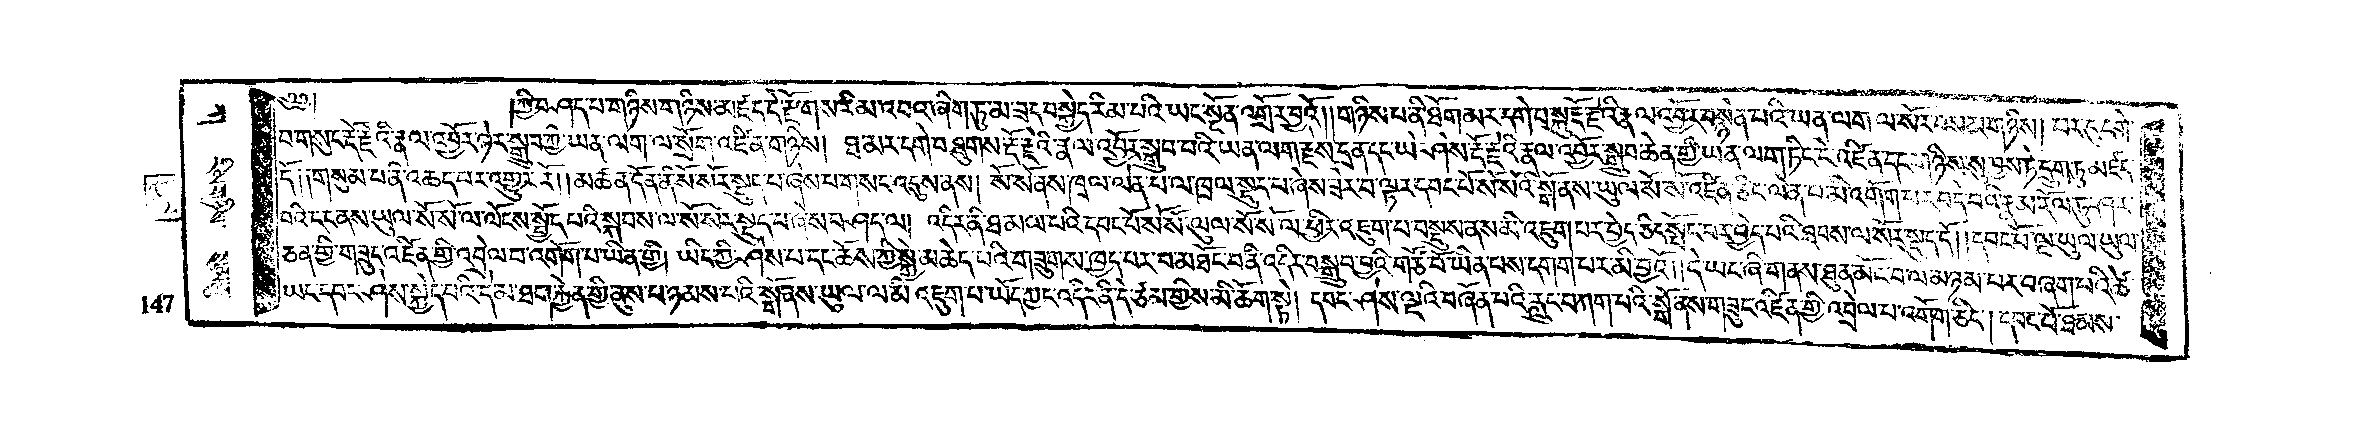༄༅། །ཀྱི་བཤད་པ་གཉིས་གཉིས་མཛད་དེ་རྫོགས་རིམ་འབའ་ཞིག་ཏུ་མ་ཟད་བསྐྱེད་རིམ་པའི་ཡང་སྔོན་འགྲོར་བྱའོ། །གཉིས་པ་ནི་ཐོག་མར་དགེ་བ་སྐུ་རྡོ་རྗེའི་རྣལ་འབྱོར་བསྙེན་པའི་ཡན་ལག་ལ་སོར་བསམ་གཉིས། བར་དུ་དགེ་
བ་གསུང་རྡོ་རྗེའི་རྣལ་འབྱོར་ཉེར་སྒྲུབ་ཀྱི་ཡན་ལག་ལ་སྲོག་འཛིན་གཉིས། ཐ་མར་དགེ་བ་ཐུགས་རྡོ་རྗེའི་རྣལ་འབྱོར་སྒྲུབ་པའི་ཡན་ལག་རྗེས་དྲན་དང་ཡེ་ཤེས་རྡོ་རྗེའི་རྣལ་འབྱོར་སྒྲུབ་ཆེན་གྱི་ཡན་ལག་ཏིང་ངེ་འཛིན་དང་གཉིས་སུ་བྱས་ཏེ་དྲུག་ཏུ་མཛད་
དོ། །གསུམ་པ་ནི་འཆད་པར་འགྱུར་རོ། །མཚན་དོན་ནི་སོ་སོར་སྡུད་པ་ཞེས་པ་གསང་འདུས་ནས། སོ་སོ་ནས་ཁྲལ་ལེན་པ་ལ་ཁྲལ་སྡུད་པ་ཞེས་ཟེར་བ་ལྟར་དབང་པོ་སོ་སོའི་སྒོ་ནས་ཡུལ་སོ་སོ་འཛིན་ཅིང་ལེན་པ་མི་འགོག་པར་བདེ་བའི་རྣམ་རོལ་ཏུ་ཤར་
བའི་ངང་ནས་ཡུལ་སོ་སོ་ལ་ལོངས་སྤྱོད་པའི་སྐབས་ལ་སོ་སོར་སྡུད་པ་ཞེས་བཤད་ལ། འདིར་ནི་ཐ་མལ་པའི་དབང་པོ་སོ་སོ་ལུ་ལ་སོ་སོ་ལ་ཕྱིར་འཇུག་པ་བསྡུས་ནས་མི་འཇུག་པར་བྱེད་ཅིང་སྤོང་བར་བྱེད་པའི་ཐབས་ལ་སོར་སྡུད་དོ། །དབང་པོ་ལྔ་ཡུལ་ཡུལ་
ཅན་གྱི་གཟུང་འཛིན་གྱི་འབྲེལ་བ་འགོག་པ་ཡིན་གྱི། ཡིད་ཀྱི་ཤེས་པ་དང་ཆོས་ཀྱི་སྐྱེ་མཆེད་པའི་གཟུགས་ཁྱད་པར་བ་མཐོང་བ་ནི་འདིར་བསྒྲུབ་བྱའི་གཙོ་བོ་ཡིན་པས་དགག་པར་མི་བྱའོ། །དེ་ཡང་ཞི་གནས་ཐུན་མོང་བ་ལ་མཉམ་པར་བཞག་པའི་ཚེ་
ཡང་དབང་ཤེས་སྐྱེད་པའི་དེ་མ་ཐག་རྐྱེན་གྱི་ནུས་པ་ཉམས་པའི་སྒོ་ནས་ཡུལ་ལ་མི་འཇུག་པ་ཡོད་ཀྱང་འདིར་ནི་དེ་ཙམ་གྱིས་མི་ཆོག་སྟེ། དབང་ཤེས་ལྔའི་བཞོན་པའི་རླུང་བཀག་པའི་སྒོ་ནས་གཟུང་འཛིན་གྱི་འབྲེལ་པ་འགོག་ཅིང་། དབང་པོ་ཐམས་